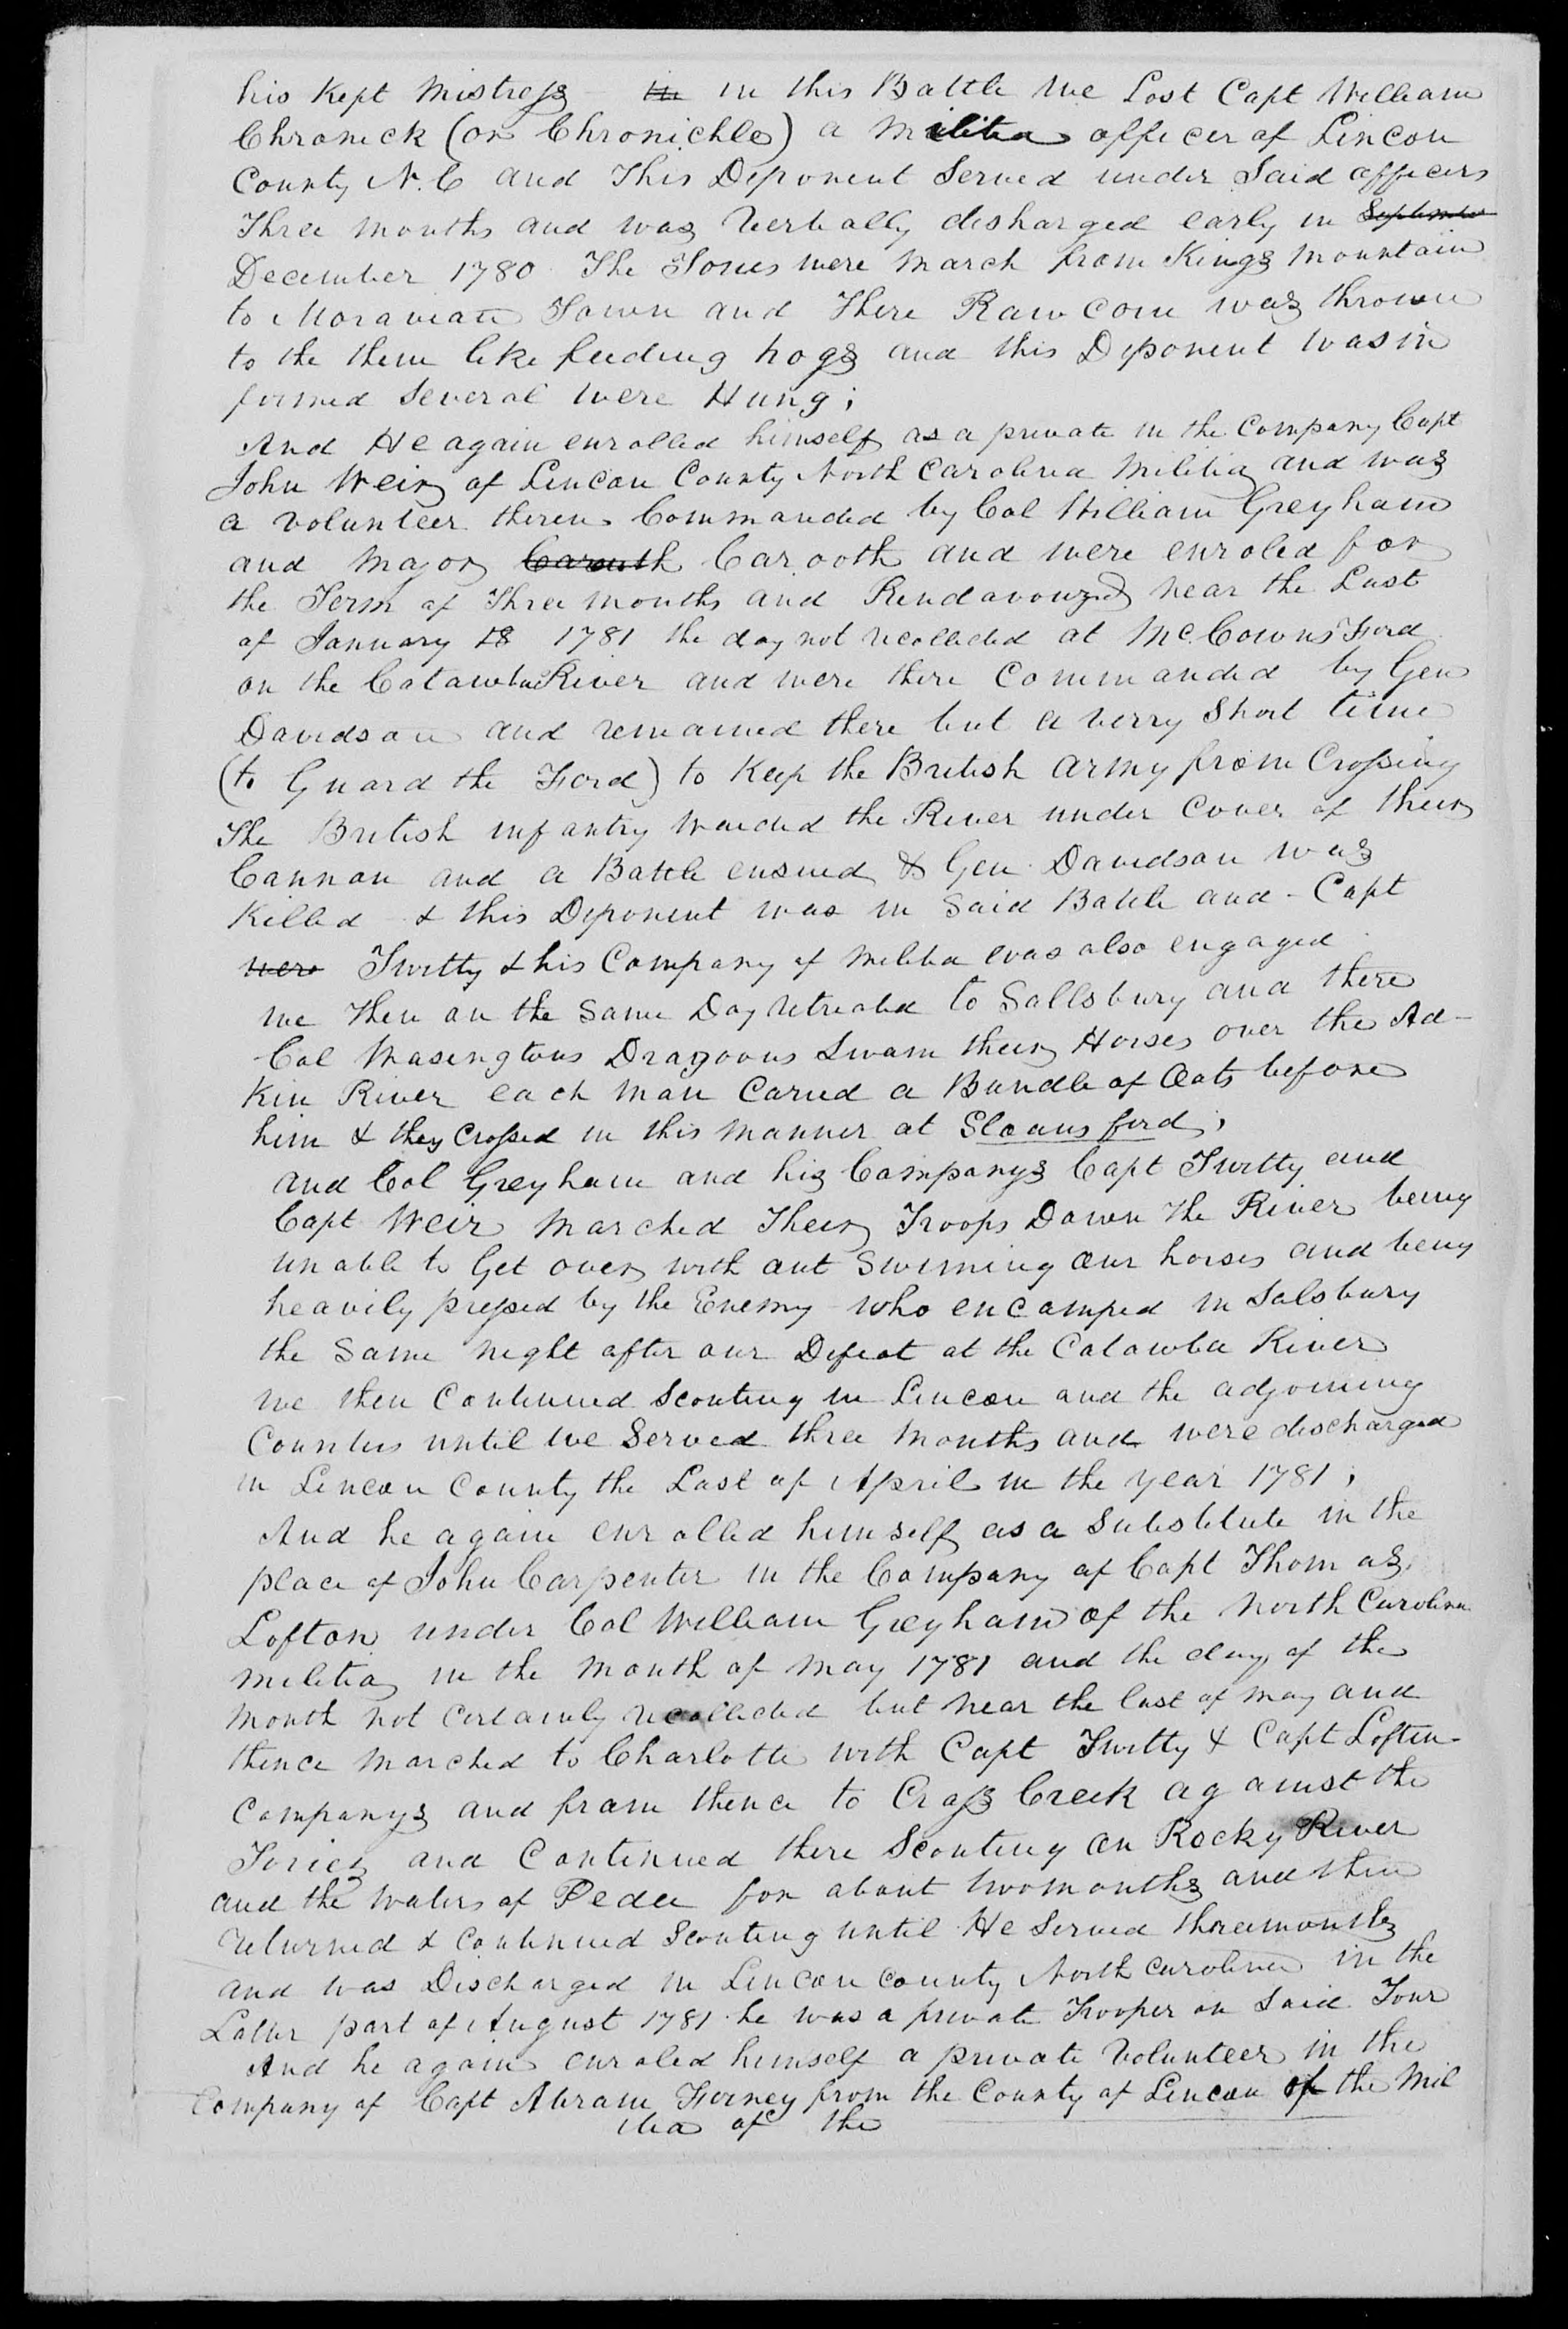his kept mistress in this battle we Lost Capt William Chronick (or Chronichle) a militia officer of Lincon [ Lincoln ]County N.C. and This Deponent served under Said officers Three months and was verbally discharged early in
December 1780. The Tories were march from Kings Mountain to Moravian Town and There Raw corn was thrown to the them like feeding hogs and this Deponent was informed several were hung;
And He again enrolled himself as a private in the Company Capt John Weir of Lincon County North Carolina Militia and was a volunteer there commanded by Col William Greyham and Major Carooth [Caruth] and were enroled [enrolled] for the Term of three months and Rendavouzed [ rendezvoused ] near the Last
of January [18 - struck through] 1781 the day not recollected at McCowns Ford on the Catawba River and were there commanded by Gen Davidson and remained there but a verry short time (to Guard the Ford)  to keep the British army from Crossing The British infantry marched the River under cover of their
Cannan [cannon] and a battle ensued & Gen Davidson was killed & this Deponent was in said Battle and Capt Twitty & his company of Militia was also engaged we then on the same day retreated to Salisbury and there
Col Wasingtons Dragoons swam their Horses over the Adkin River each man carried a bundle of Oats before him & they crossed in this manner at Sloansford; and Col Greyham and his Company Capt Twitty and Capt Weir Marched their Troops Down the River being
unable to Get over with out swimming our horses and being heavily pressed by the Enemy who encamped in Salsbury the same night after our defeat at the Catawba River
we then continued scouting in Lincon and the adjoining Counties until we served three months and were discharged in Lincon County the last of April in the year 1781; And he again called himself as a substitute in the place
of John Carpenter in the Company of Capt Thomas Lofton under Col William Greyham of the North Carolina militia in the month of May 1781 and the day of the month not certainly recollected but hear the last of May and
thence marched to Charlotte with Capt Twitty & Capt Lofton companys and from thence to Cross Creek against the Tories and continued there scouting on Rocky River and the waters of Pedee for about two months and then
returned & continued scouting until he served three months and was discharged in Lincon County North Carolina in the Latter part of August 1781 he was a private Trooper on said Tour And he again called himself a private volunteer in the Company of Capt Abram Forney from the County of Lincon of the Militia of the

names: Davidson, Weir, John Carpenter, Greyham, Thomas Lofton, John Weir, William Greyham, William Chronick, William Chronichle, Abram Forney, Twitty, Davidson, William Greyham, Twitty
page: 10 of 18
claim: survivor's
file: S. 15176, George Hofstalar, N.C.